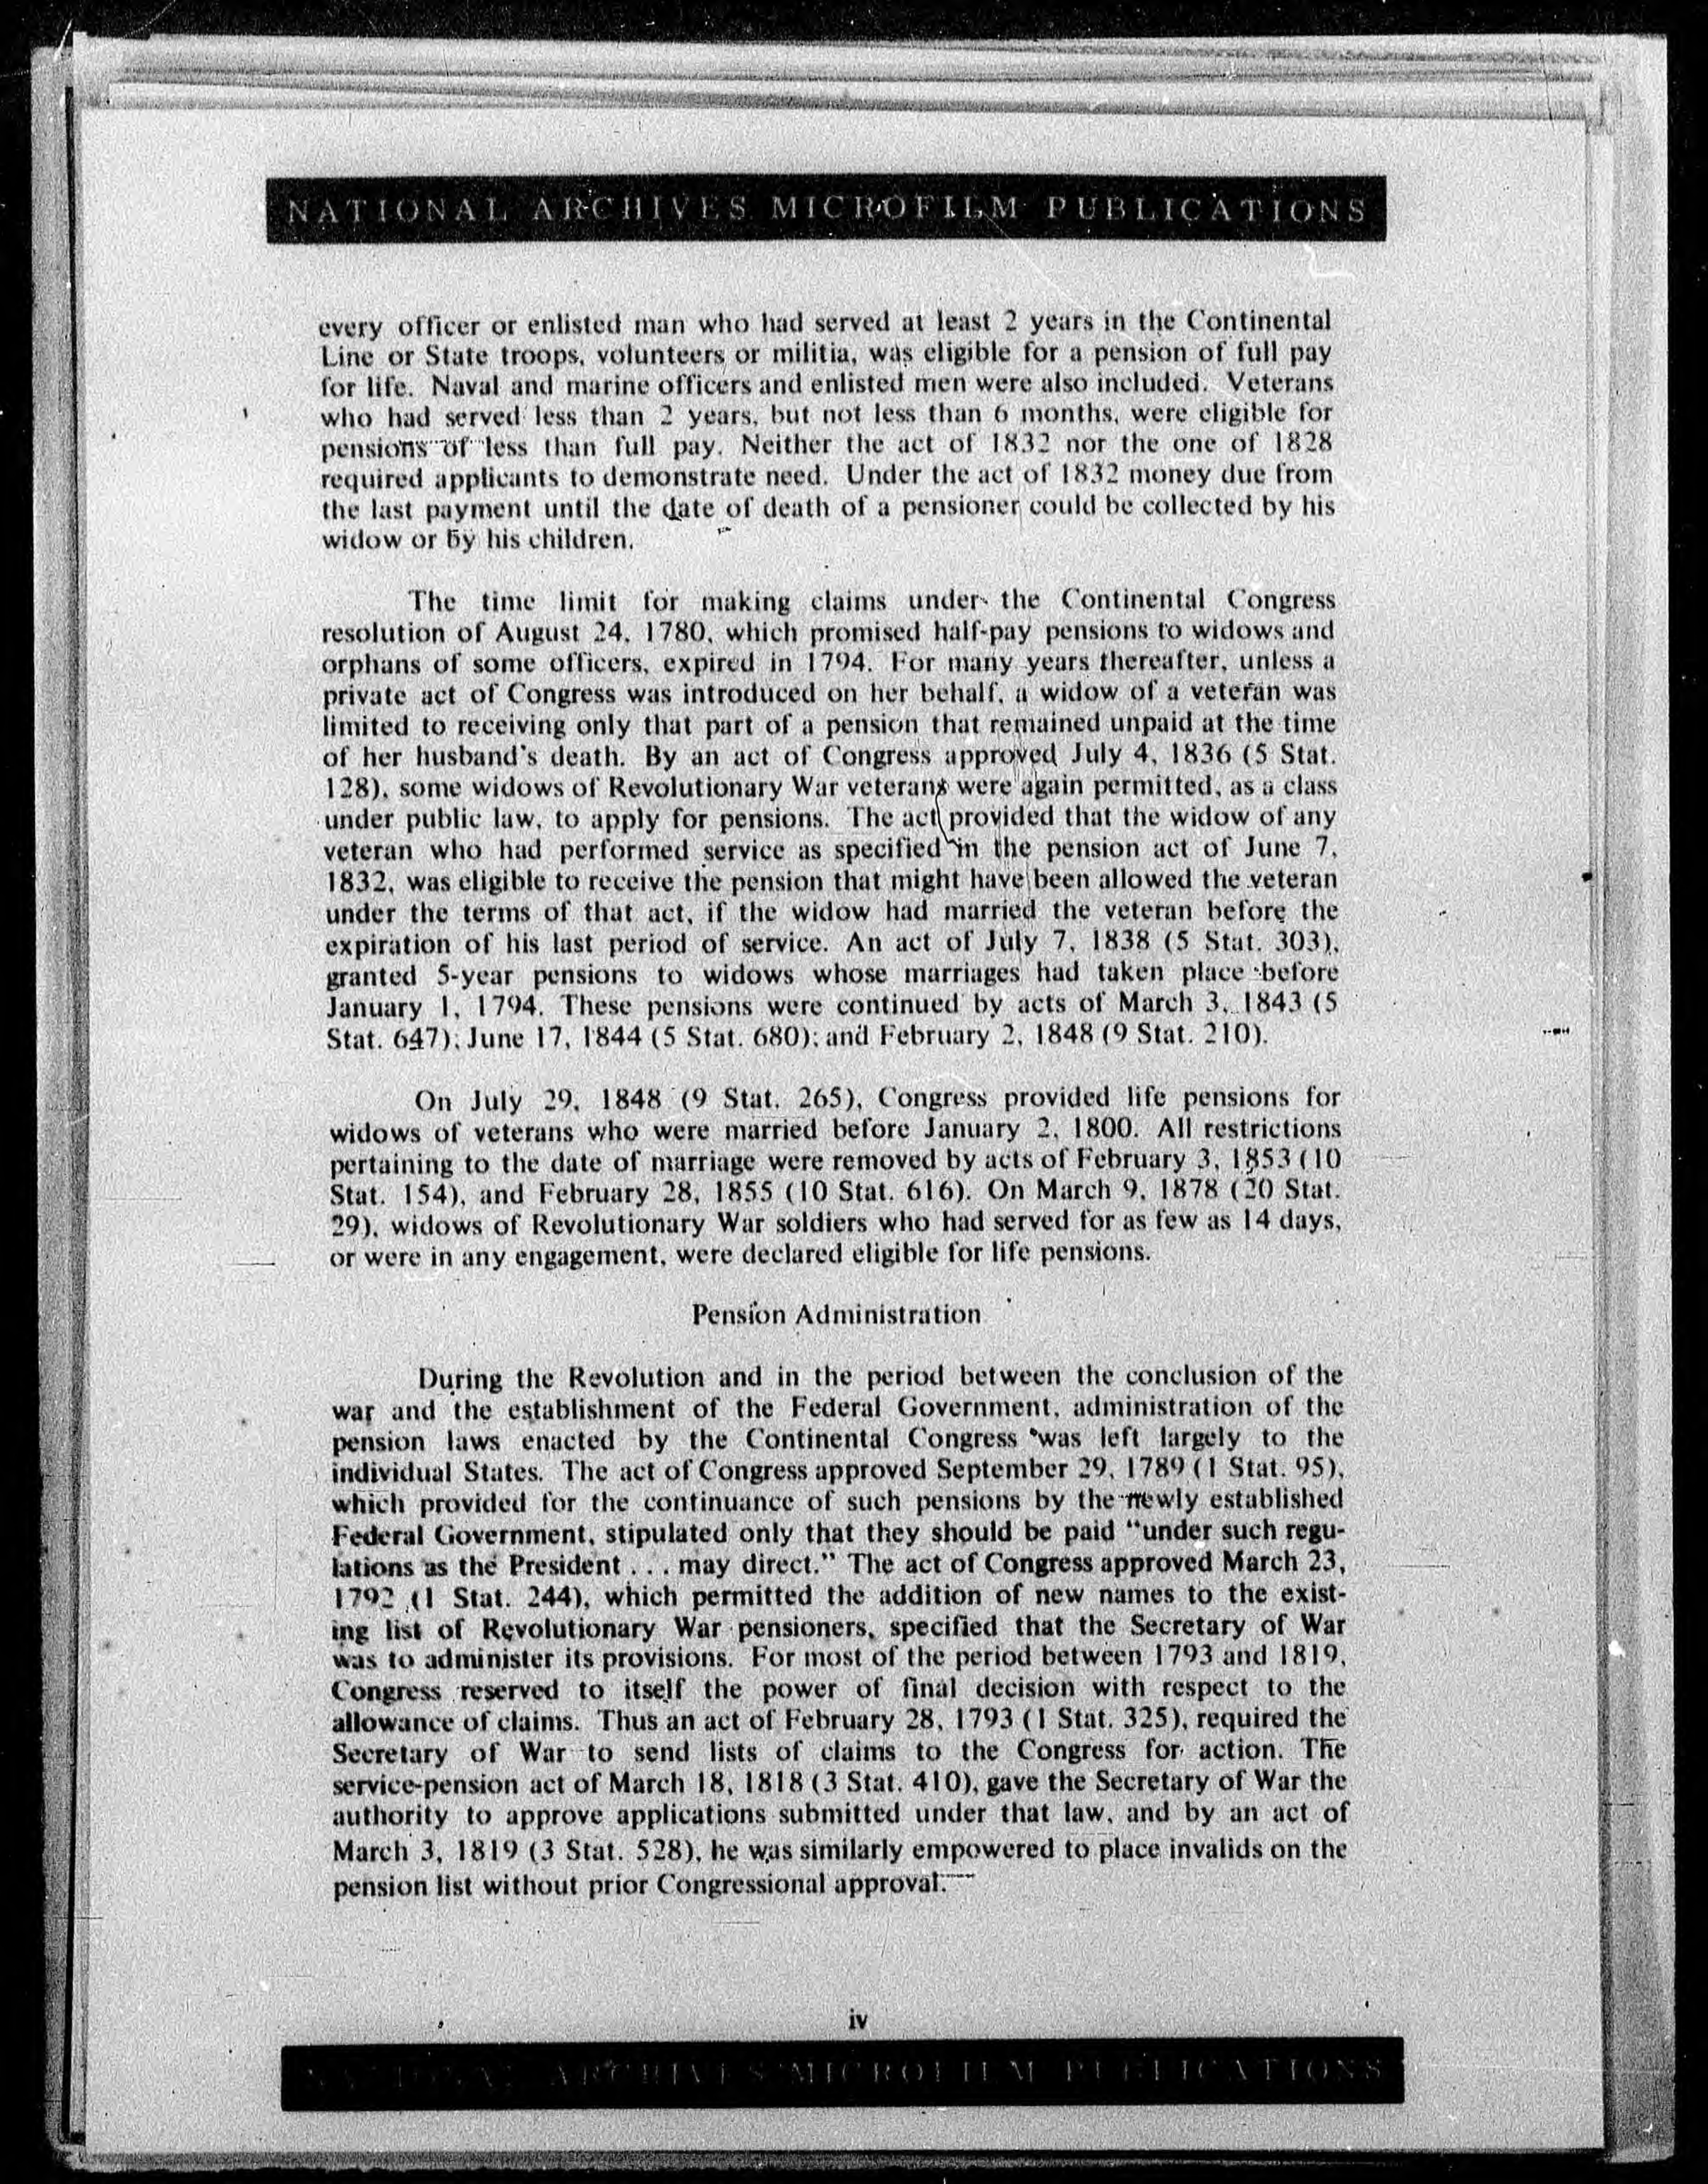every officer or enlisted man who had served at least 2 years in the Continental Line or State troops, volunteers or militia, was eligible for pension of full pay for life. Naval and marine officers and enlisted men were also included. Veterans who had served less than 2 years, but not less than 6 months, were eligible for pension of less than full pay. Neither the act of 1832 nor the one of 1828 required applicant to demonstrate need. Under the act of 1832 money due from the last payment until the day of death of a pensioner could be collected by his widow or by his children.
The time limit for making claims under the Continental Congress resolution of August 24, 1780, which promised half-pay pensions to widows and orphans of some officers, expired in 1794. For many years thereafter, unless a private act of Congress was introduced on her behalf, a widow of a veteran was limited to receiving only that part of a pension that remained unpaid at the time of her husband's death. By an act of Congress approved July 4, 1836 (5 Stat. 128), some widow's of Revolutionary War veterans were again permitted, as a class under public law, to apply for pensions. The act provided that the widow of any veteran who had performed service as specified in the pension act of June 7, 1832, was eligible to receive the pension that might have been allowed the veteran under the terms of that act, if the widow had married the veteran before the expiration of his last period of service. An act of July 7, 1838 (5 Stat. 303), granted 5-year pension to widows whose marriages had taken place before January 1, 1794. These pensions were continued by acts of March 3, 1843 (5 Stat. 647); June 17, 1844 (5 Stat. 680); and February 2, 1848 (9 Stat. 210).
On July 29, 1848 (9 Stat. 265), Congress provided life pensions for widows of veterans who were married before January 2, 1800. All restrictions pertaining to the date of marriage were removed by acts of February 3, 1853 (10 Stat. 154), and February 28, 1855 (10 Stat. 616). On March 9, 1878 (20 Stat. 29), widows of Revolutionary War soldiers who had served for as few as 14 days, or were in any engagement, were declared eligible for life pensions.
Pension Administration
During the Revolution and in the period between the conclusion of the war and the establishment of the Federal Government, administration of the pension laws enacted by the Continental Congress was left largely to the individual States. The act of Congress approved September 29, 1789 (1 Stat. 95), which provided for the continuance of such pensions by the newly established Federal Government, stipulated only that they should be paid "under such regulations as the President... may direct." The act of Congress approved March 23, 1792 (1 Stat. 244), which permitted the addition of new names to the existing list of Revolutionary War pensioners, specified that the Secretary of War was to administer its provisions. For most of the period between 1793 and 1819, Congress reserved to itself the power of final decision with respect to the allowance of claims. Thus an act of February 28, 1793 (1 Stat. 325), required the Secretary of War to send lists of claims to the Congress for action. The service-pension act of March 18, 1818 (2 Stat. 410), gave the Secretary of War the authority to approve applications submitted under that law, and by an act of March 3, 1819 (3 Stat. 528), he was similarly empowered to place invalids on the pension list without prior Congressional approval.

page: 3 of 59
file: Revolutionary War Pension and Bounty Land Warrant Application File